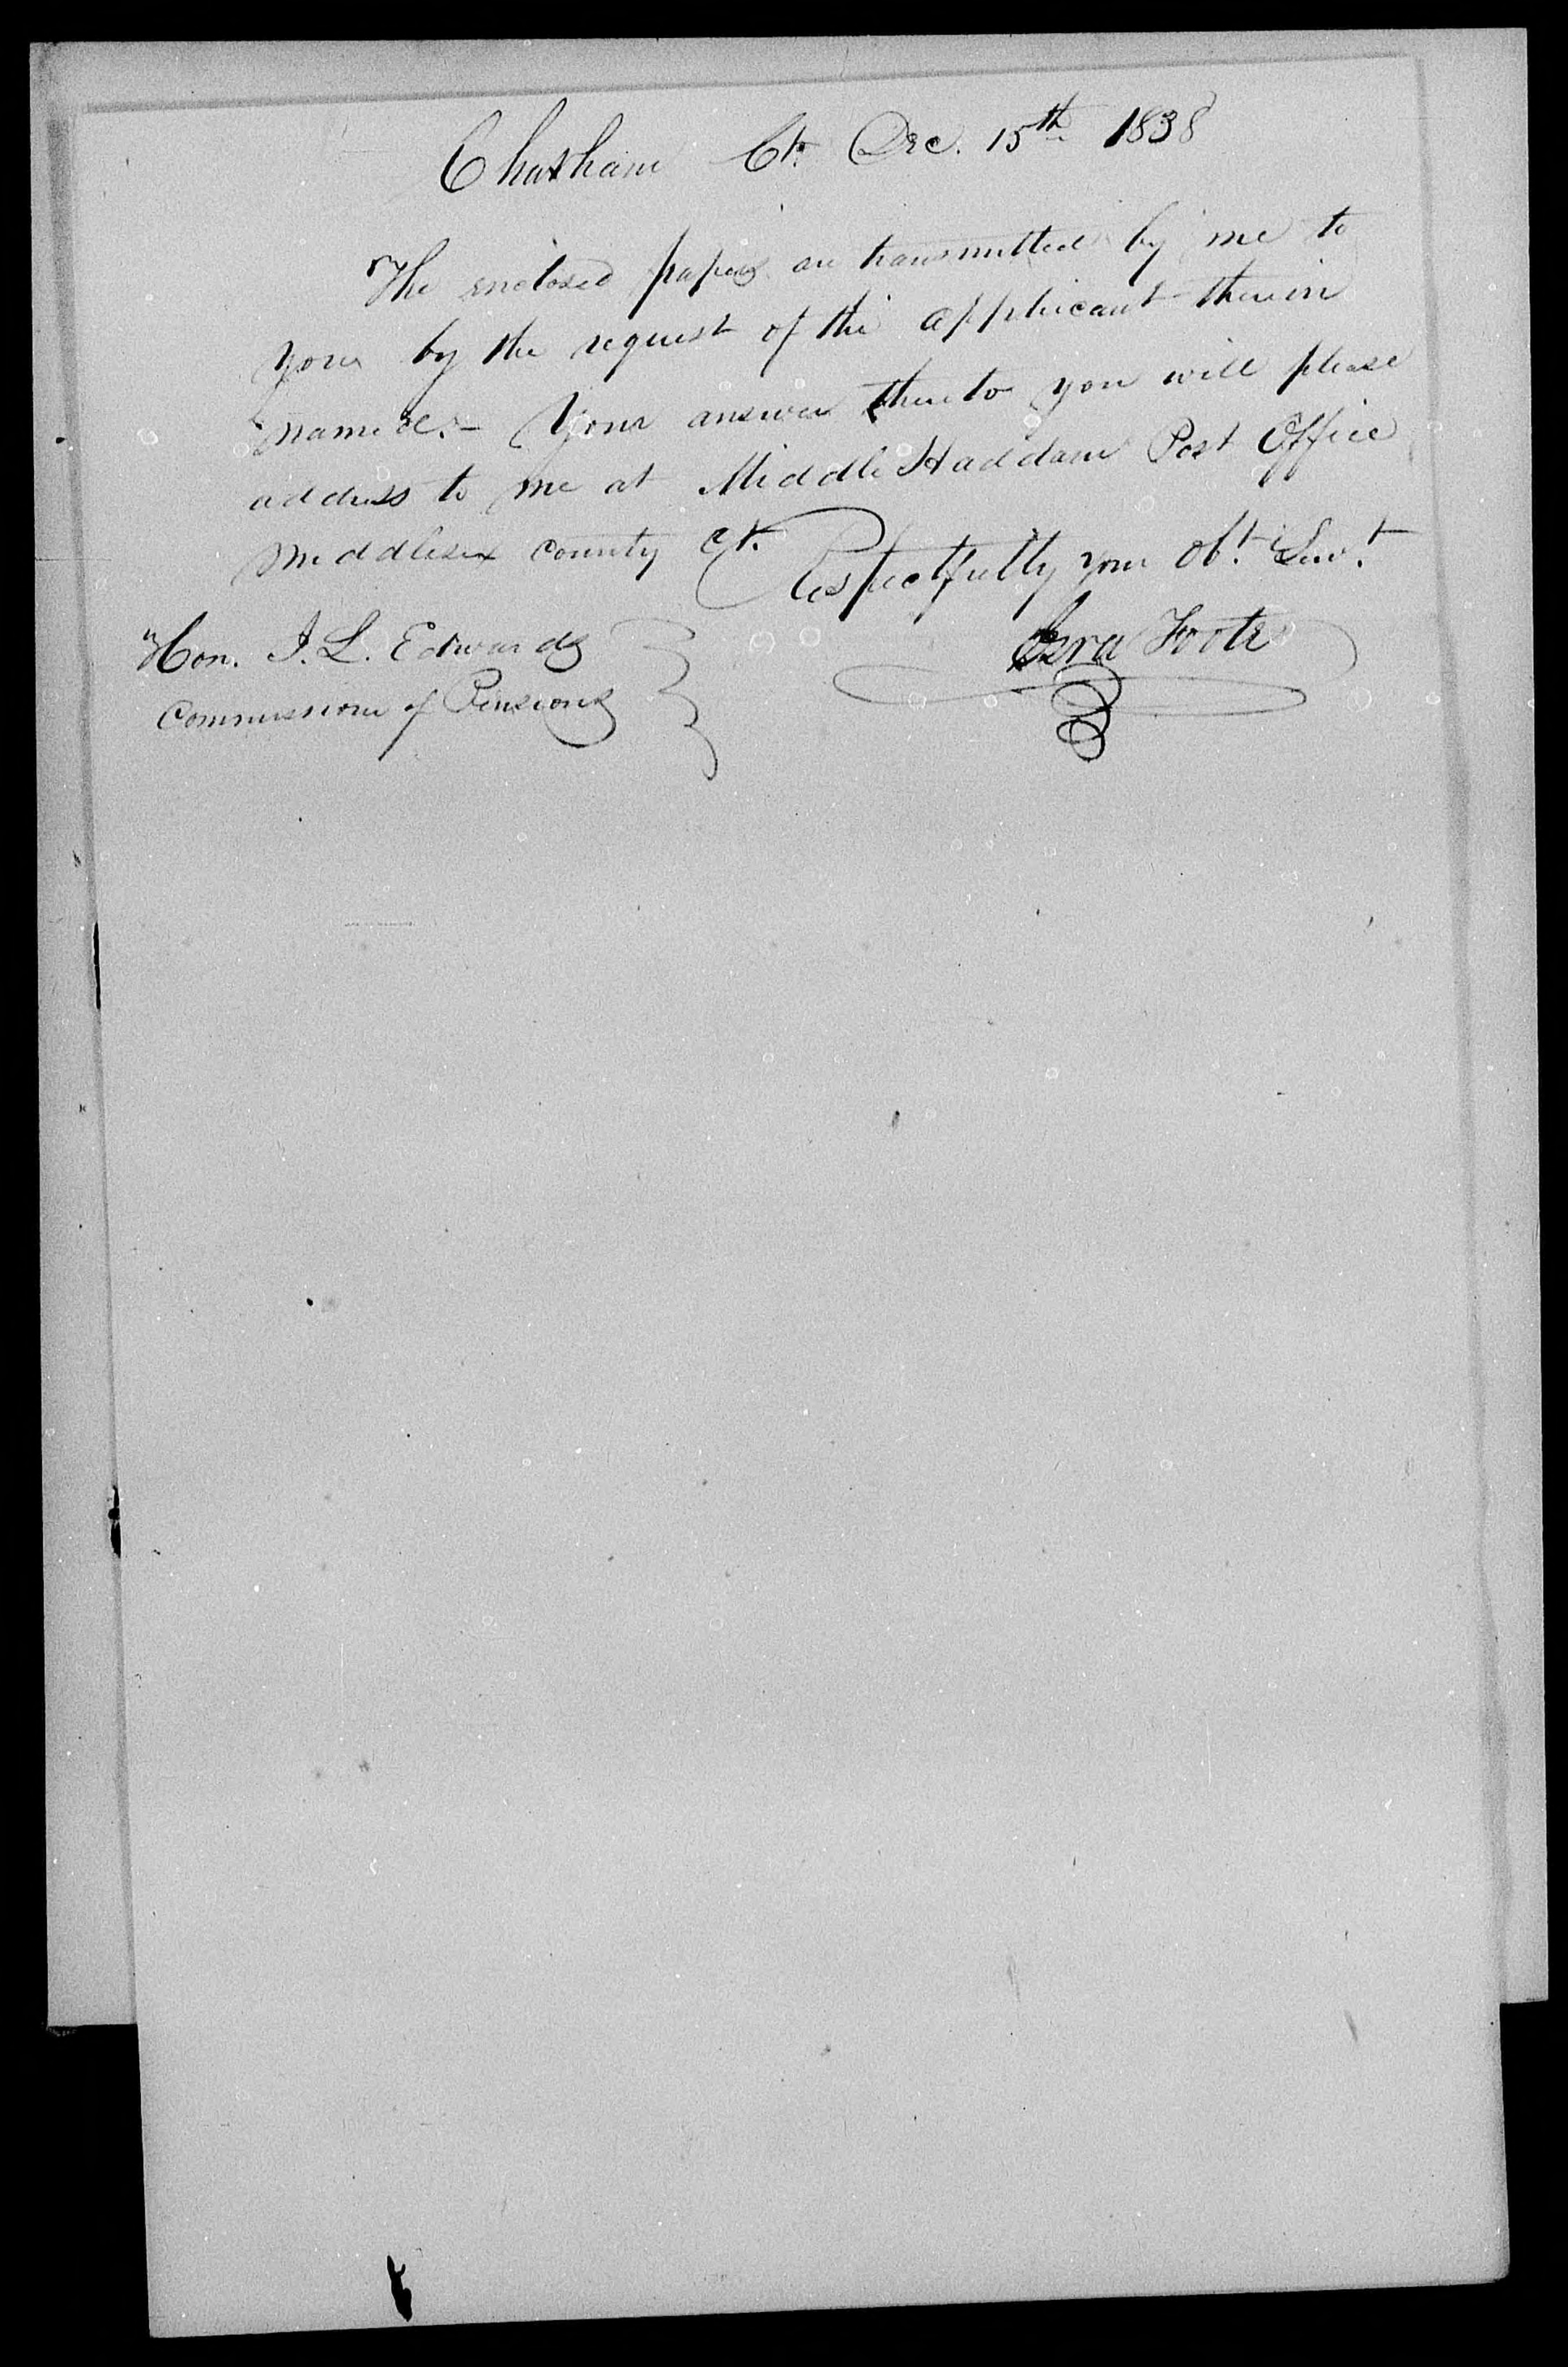Chatham Ct Dec. 15th 1838

The enclosed papers are transmitted by me to you by the request of the applicant therein named.- Your answer thereto you will please address to me at Middle Haddam Post Office Middlesex County Ct.

Respectfully your obt. Servt
Ezra Foote

Hon. J. L. Edwards
Commissioner of Pensions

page: 34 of 47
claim: widow's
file: W. 17879, for Seth Strong, Connecticut